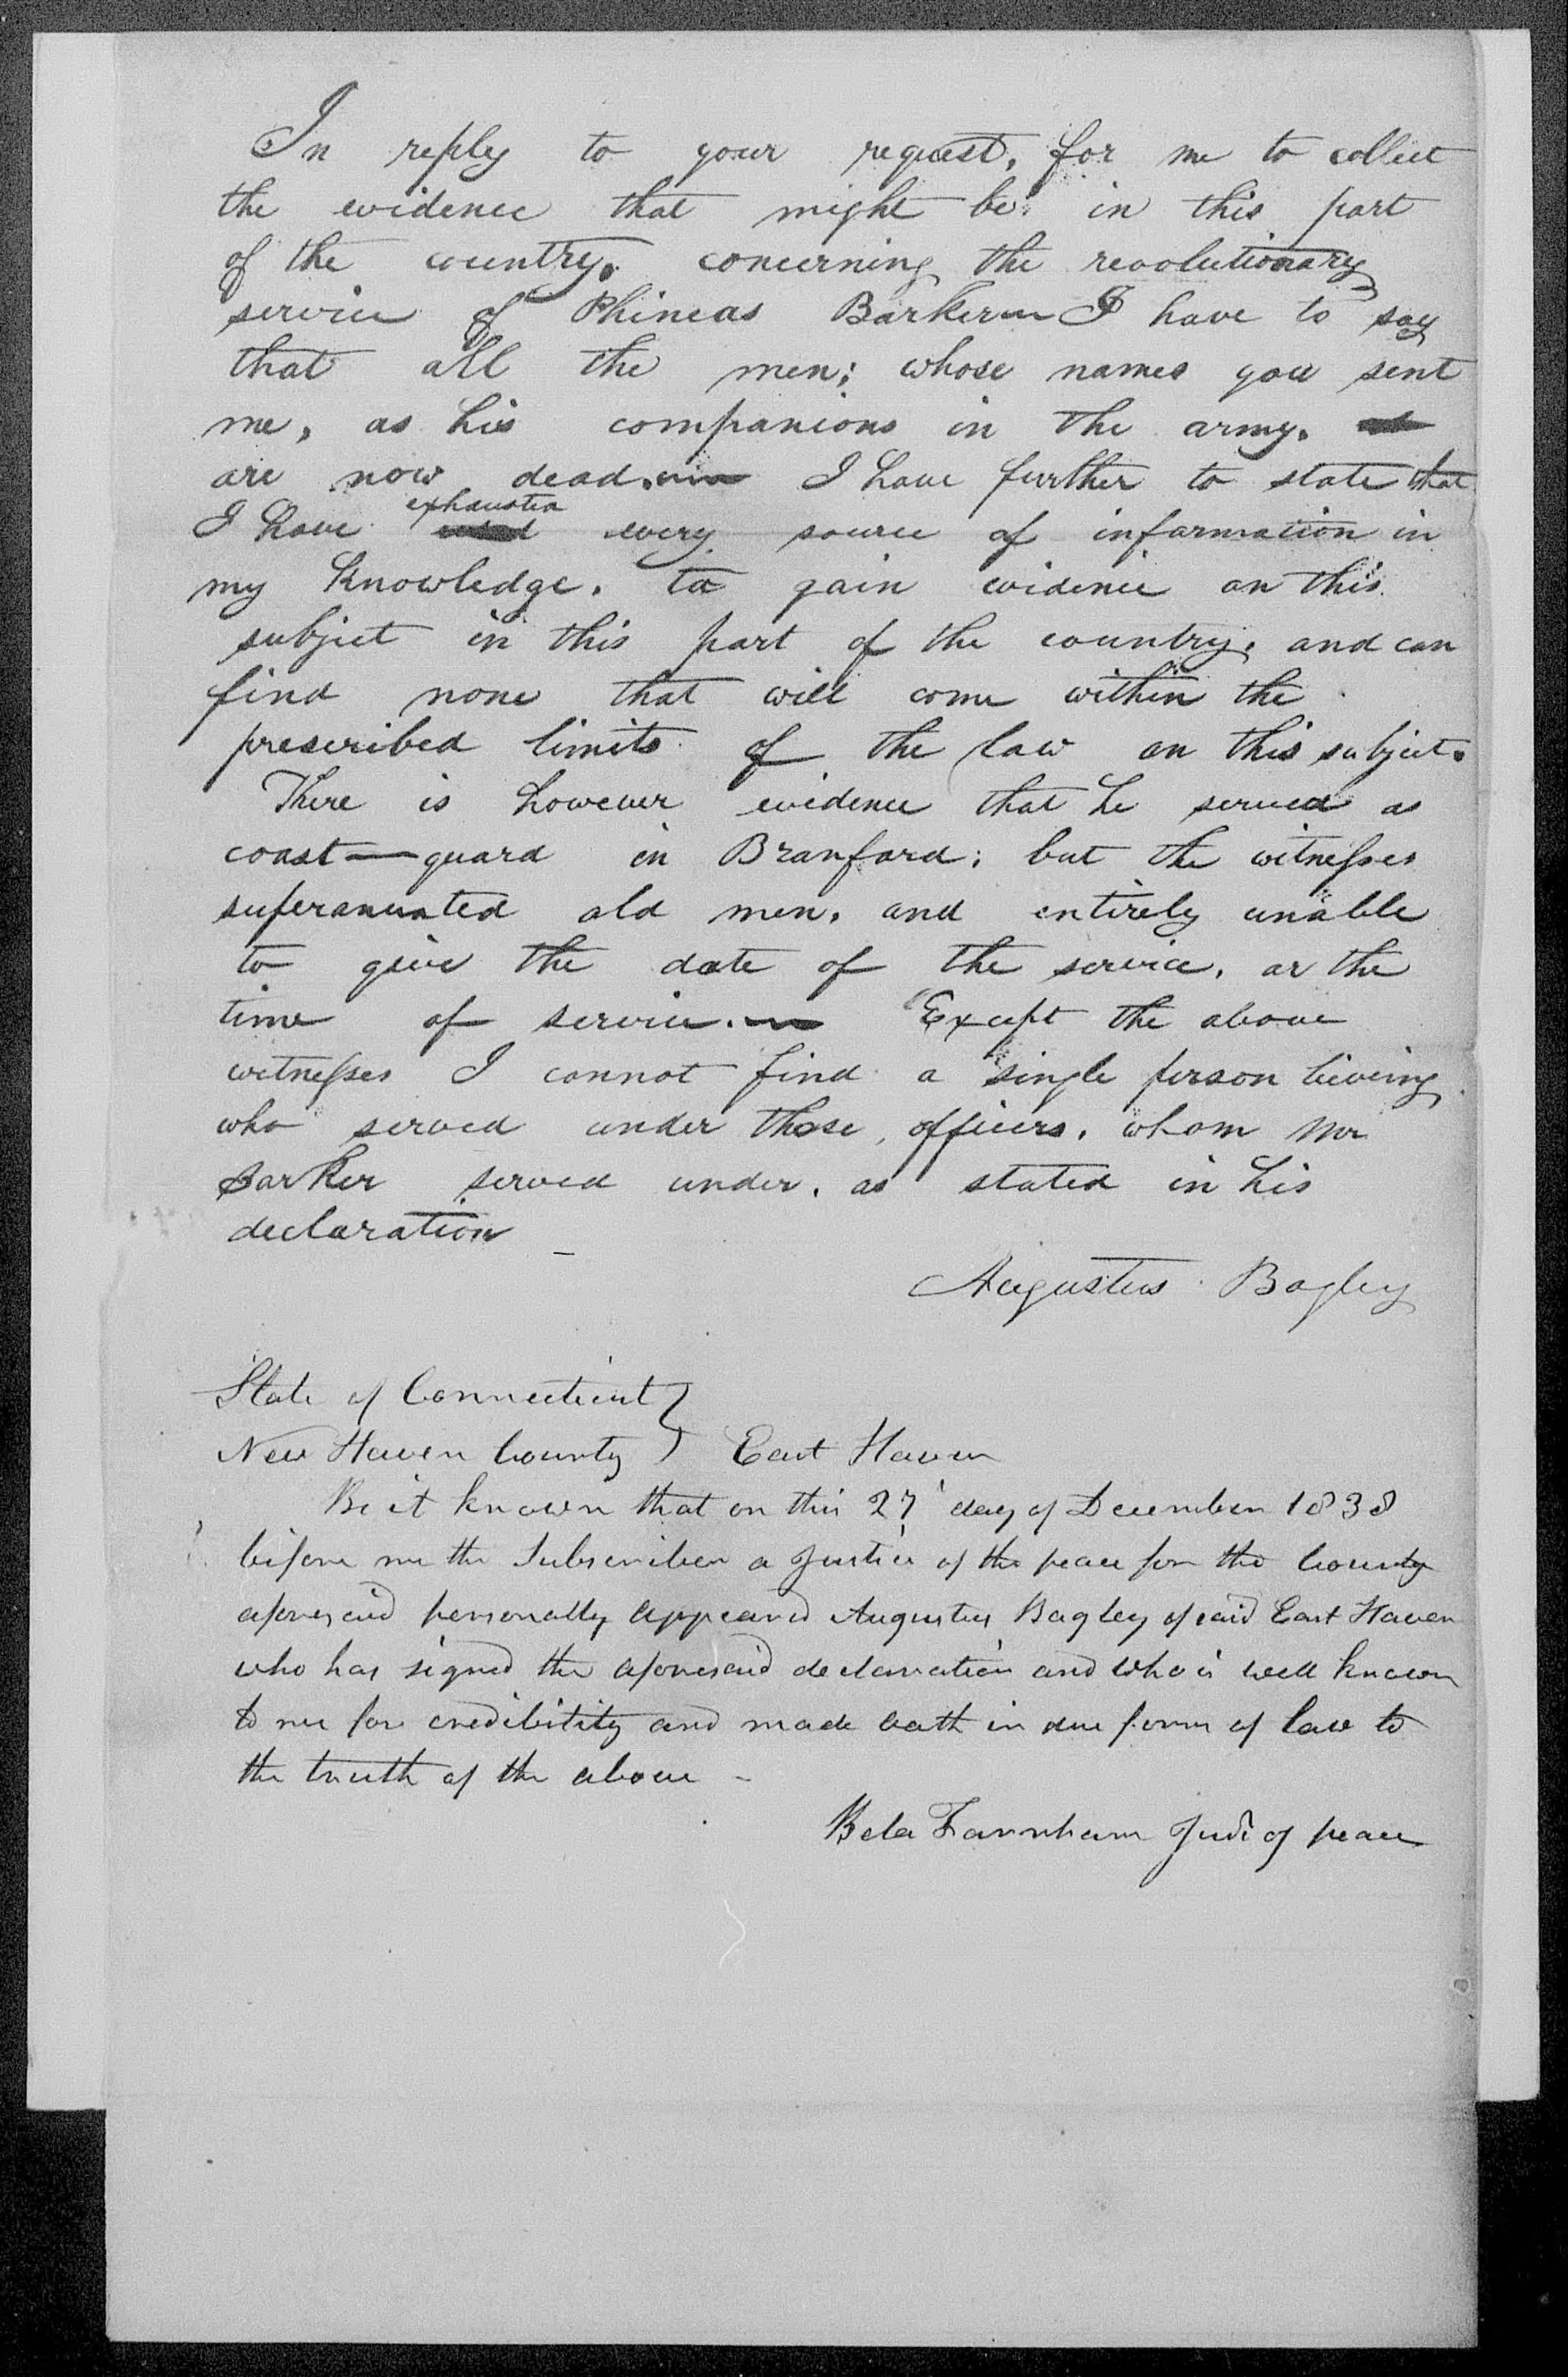In reply to your request, for me to collect the evidence that might be in this part of the country concerning the revolutionary service of that Phineas Barker I have to say all the men, whose names you sent me, as his companions in the army. are now dead.   I have further to state that I have exhausted every source of information in my knowledge, to gain evidence on this subject in this part of the country, and can find none that will come within the prescribed limits of the law on this subject.
There is however of the law on this subject evidence that he served as coast guard in Branford, but the witnesses superanunted  old men, and entirely unable to time give the date of the service, or the time of service.   Except the above witnesses I cannot find a single person living who served under these officers, whom Mr Parker served under, as stated in his declaration.  
Augustus Bagley 
State of Connecticut 
New Haven County }  East Haven 
Be it known that on this 27 day of December 1838 before me the Subscriber a Justice of the peace for the County aforesaid personally appeared Augustus Bagley of said East Haven who has signed the aforesaid declaration and who is well known to me for credibility and made oath in due form of law to the truth of the above.   
Bela Farnham Just of Peace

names: Bela Farnham, Barker, Augustus Bagley, Augustus Bagley, Phineas Barker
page: 19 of 35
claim: rejected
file: R. 501, Phineas Barker, Conn. Privateer